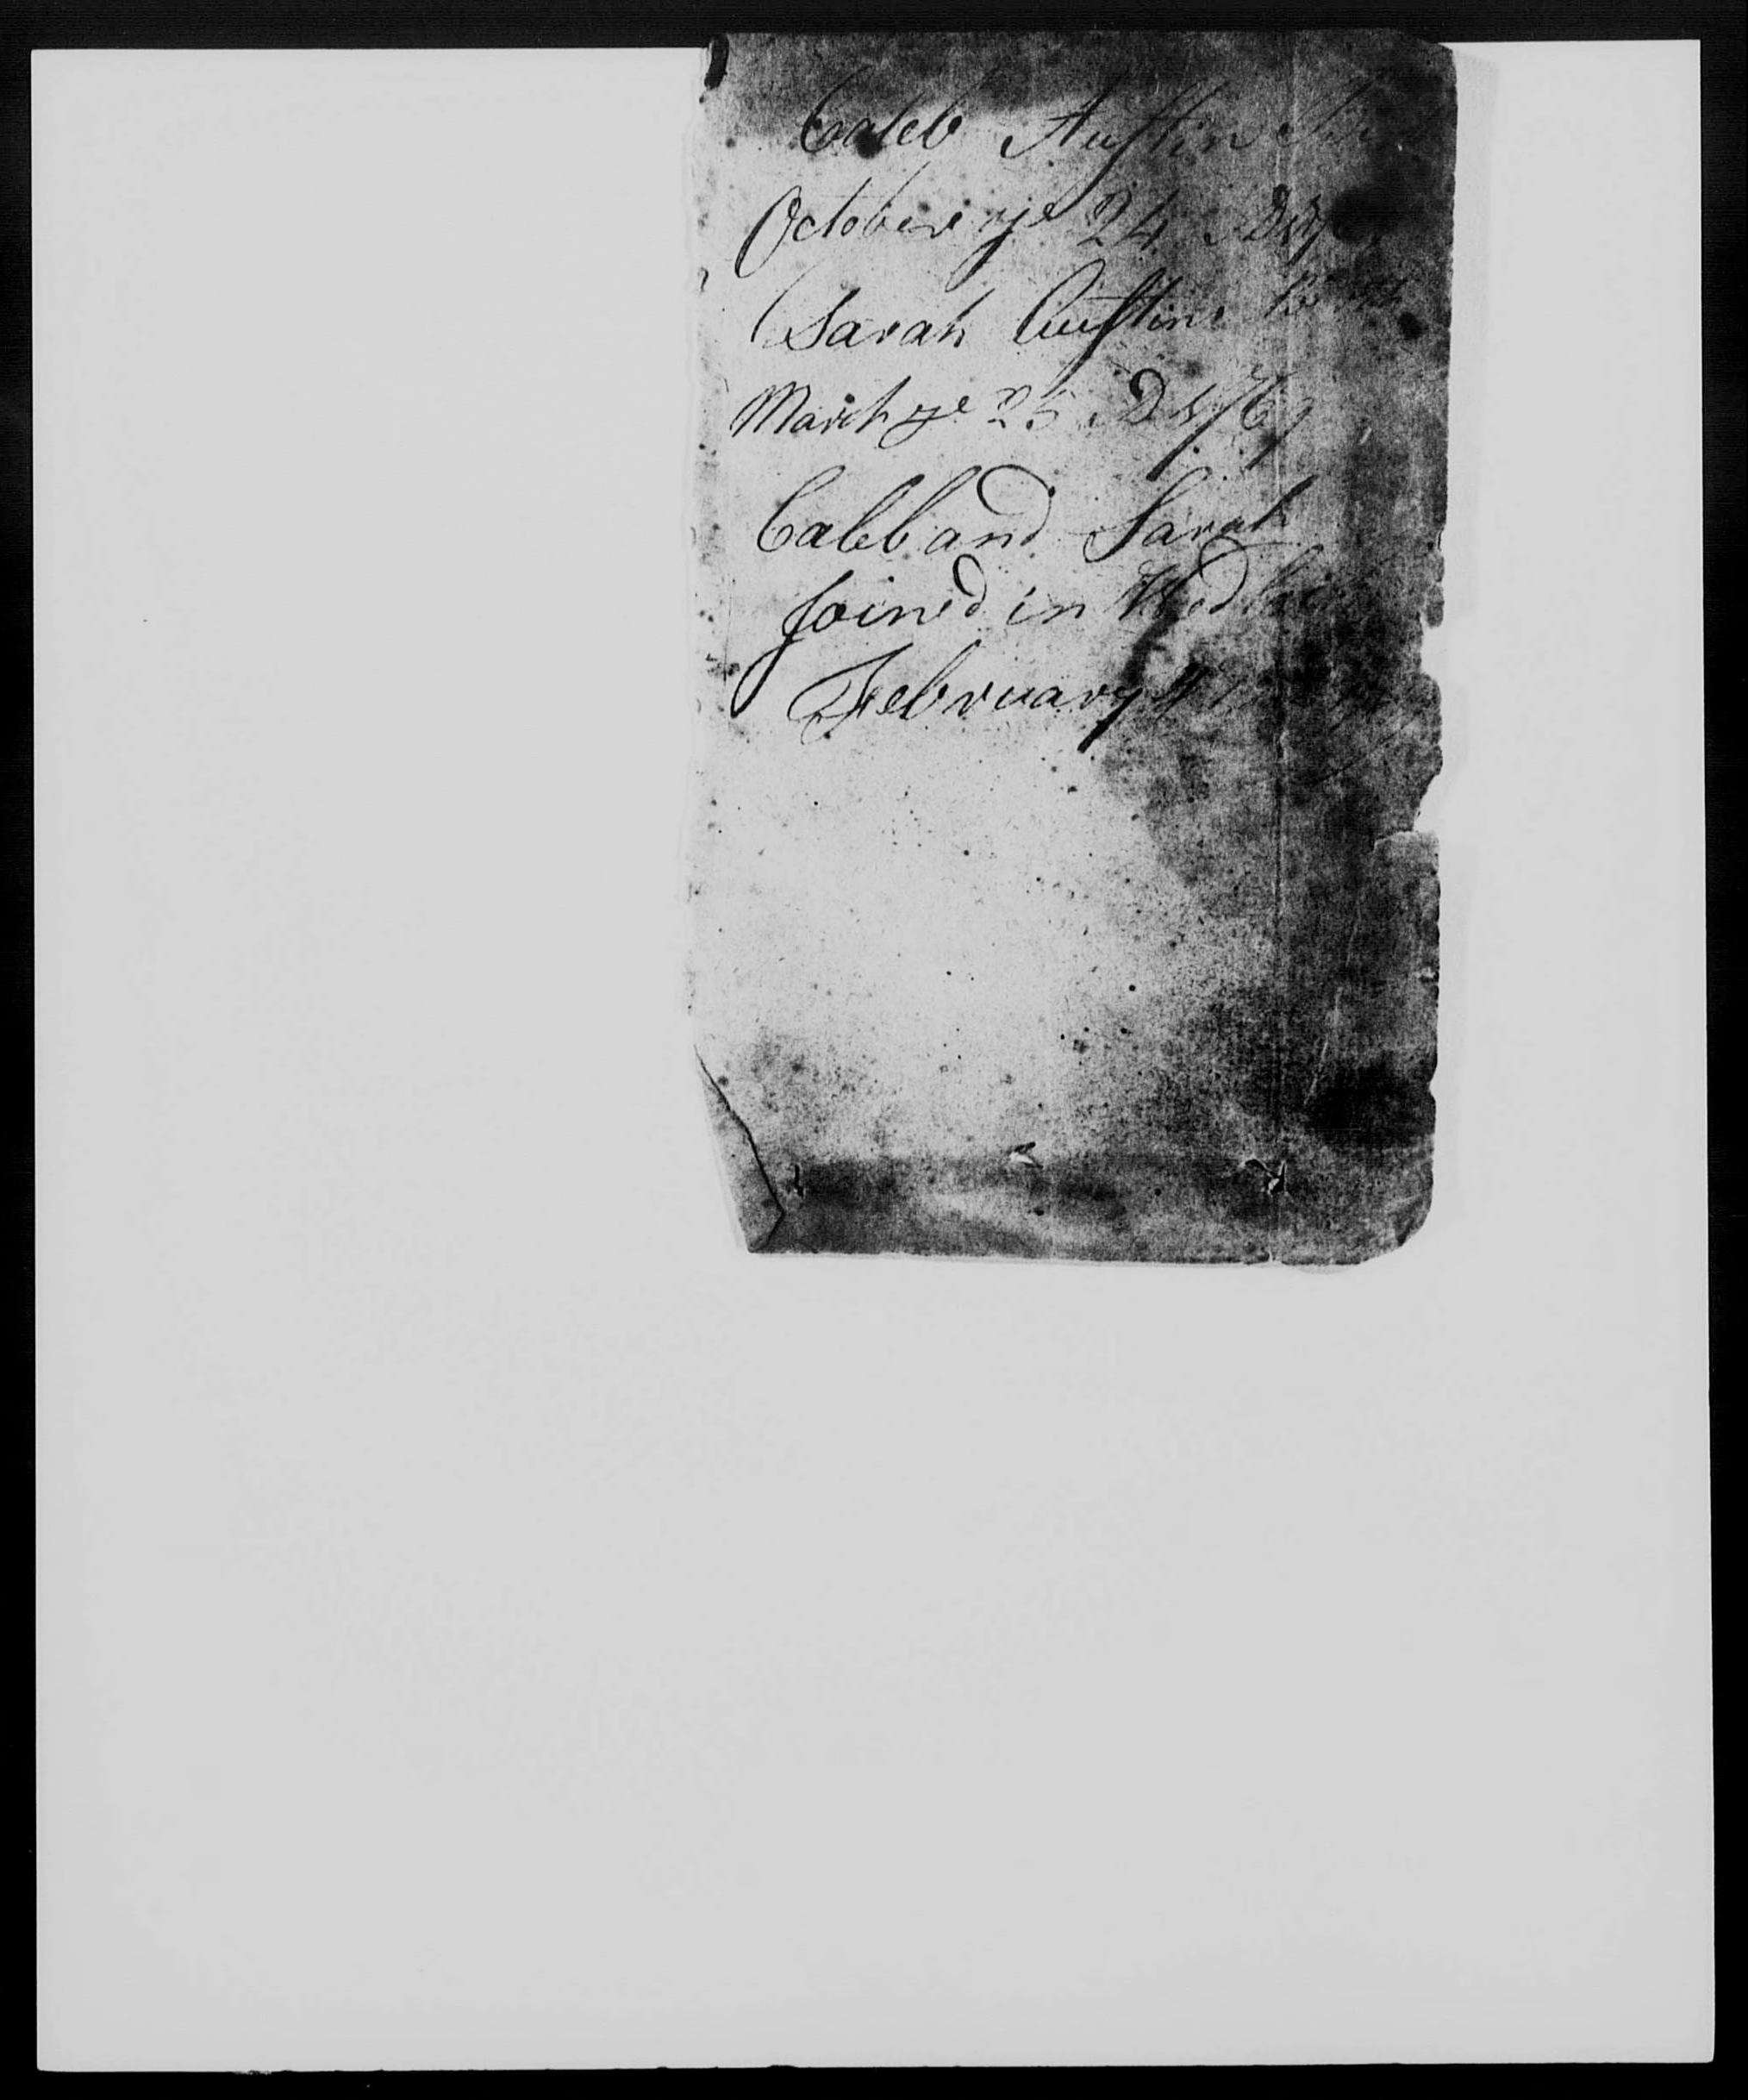Caleb Austin
October ye 24
Sarah Austin
March ye 25 
Caleb and Sarah
Joined in Wedlock
February 4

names: Caleb Austin, Caleb, Sarah, Sarah Austin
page: 3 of 18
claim: widow's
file: W. 20640, Caleb Austin, R.I.